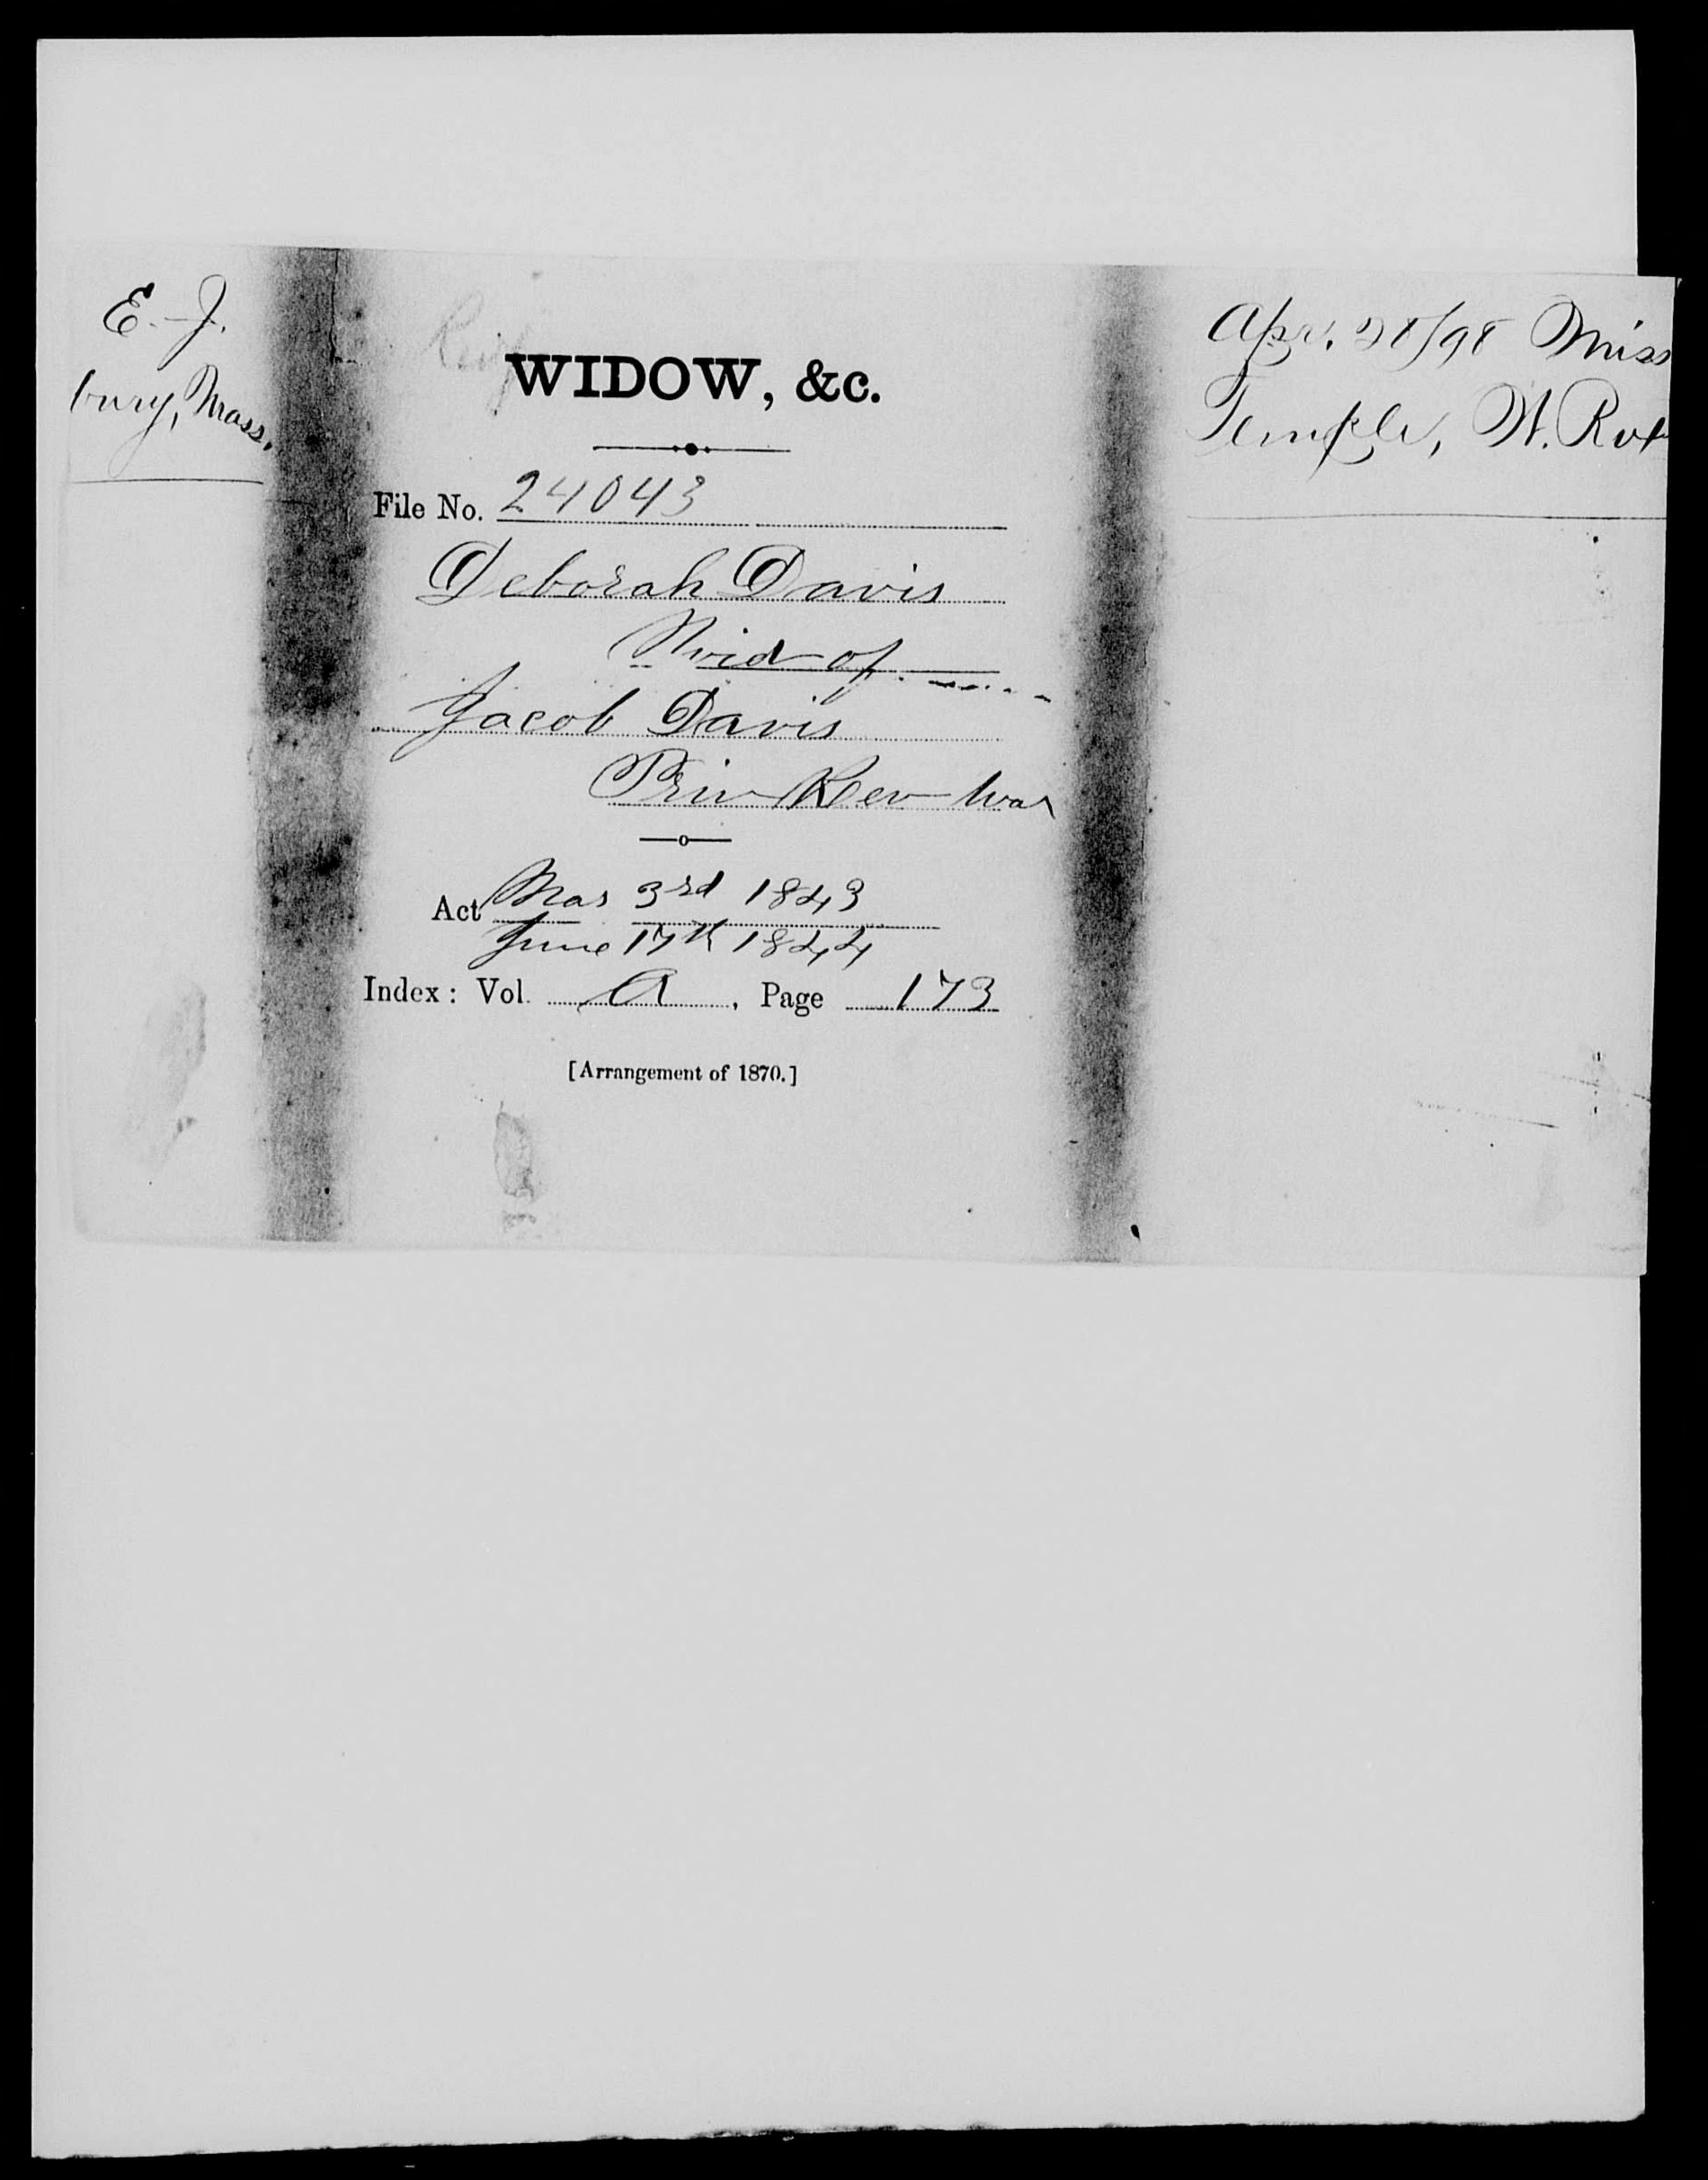[left side] E.J.
bury, Mass.

[middle] Revy WIDOW, etc.
File No. 24043
Deborah Davis
Wid of
Jacob Davis
Pri Rev War
Act Mar 3rd 1843
June 17th 1844
Index: Vol. A Page 173
Arrangement of 1870.

[right side] Apr. 28/[18]98 Miss
Temple, W. Rox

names: Deborah Davis, Jacob Davis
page: 16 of 47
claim: widow's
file: W. 24043, Jacob Davis, N.H.